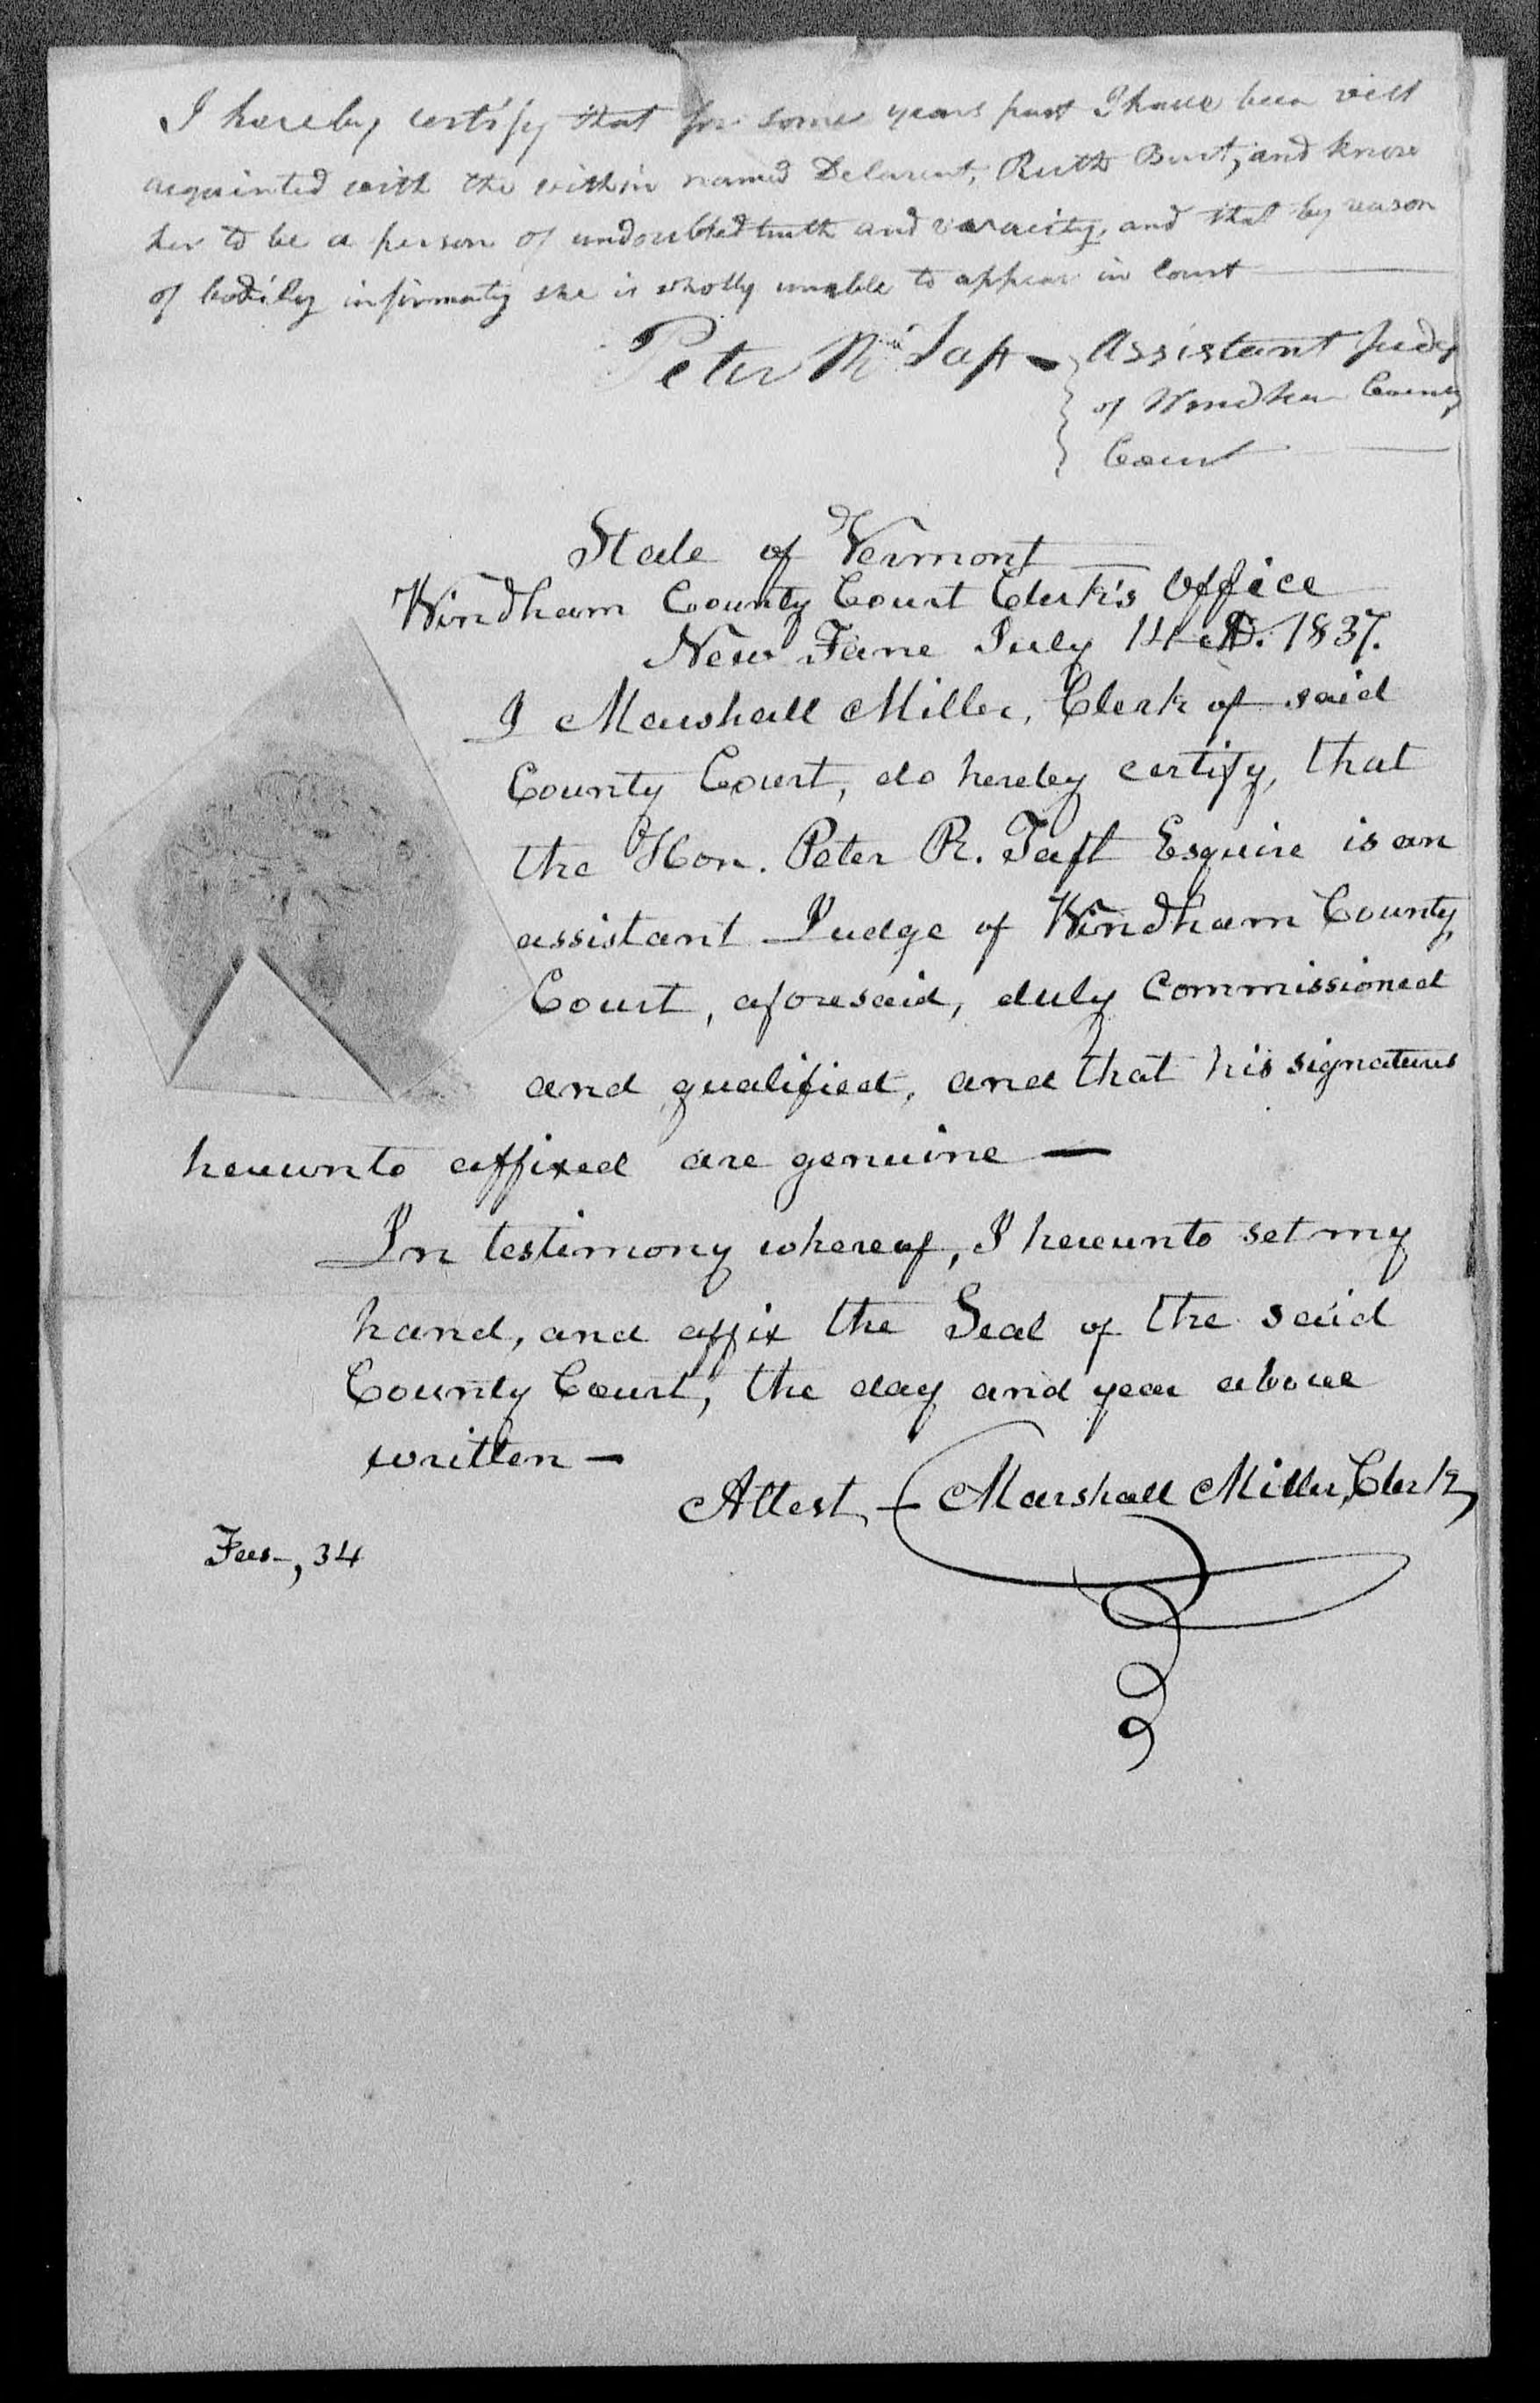I hereby certify that for some years past I have been well acquainted with the within named Declarant, Ruth Burt; and know her to be a person of undoubted truth and veracity, and that by reason of bodily infirmity she is wholly unable to appear in court -
Peter R. Taft} Assistant Judge
                    of Windham County Court

State of Vermont -
Windham County Court Clerk's Office
New Fane July 14 AD. 1837.
I Marshall Miller, Clerk of said County Court, do hereby certify, that the Hon. Peter R. Taft Esquire is an assistant Judge of Windham County Court, aforesaid, duly commissioned and qualified, and that his signature hereunto affixed are genuine -

In testimony whereof, I hereunto set my hand, and affix the Seal of the said County Court, the day and year above written -


Attest - Marshall Miller, Clerk

Feb -, 34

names: Ruth Burt, Marshall Miller, Marshall Miller, Peter R Taft, Peter R Taft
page: 4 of 17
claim: widow's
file: W. 20809, Ebenezer Burt, Mass.